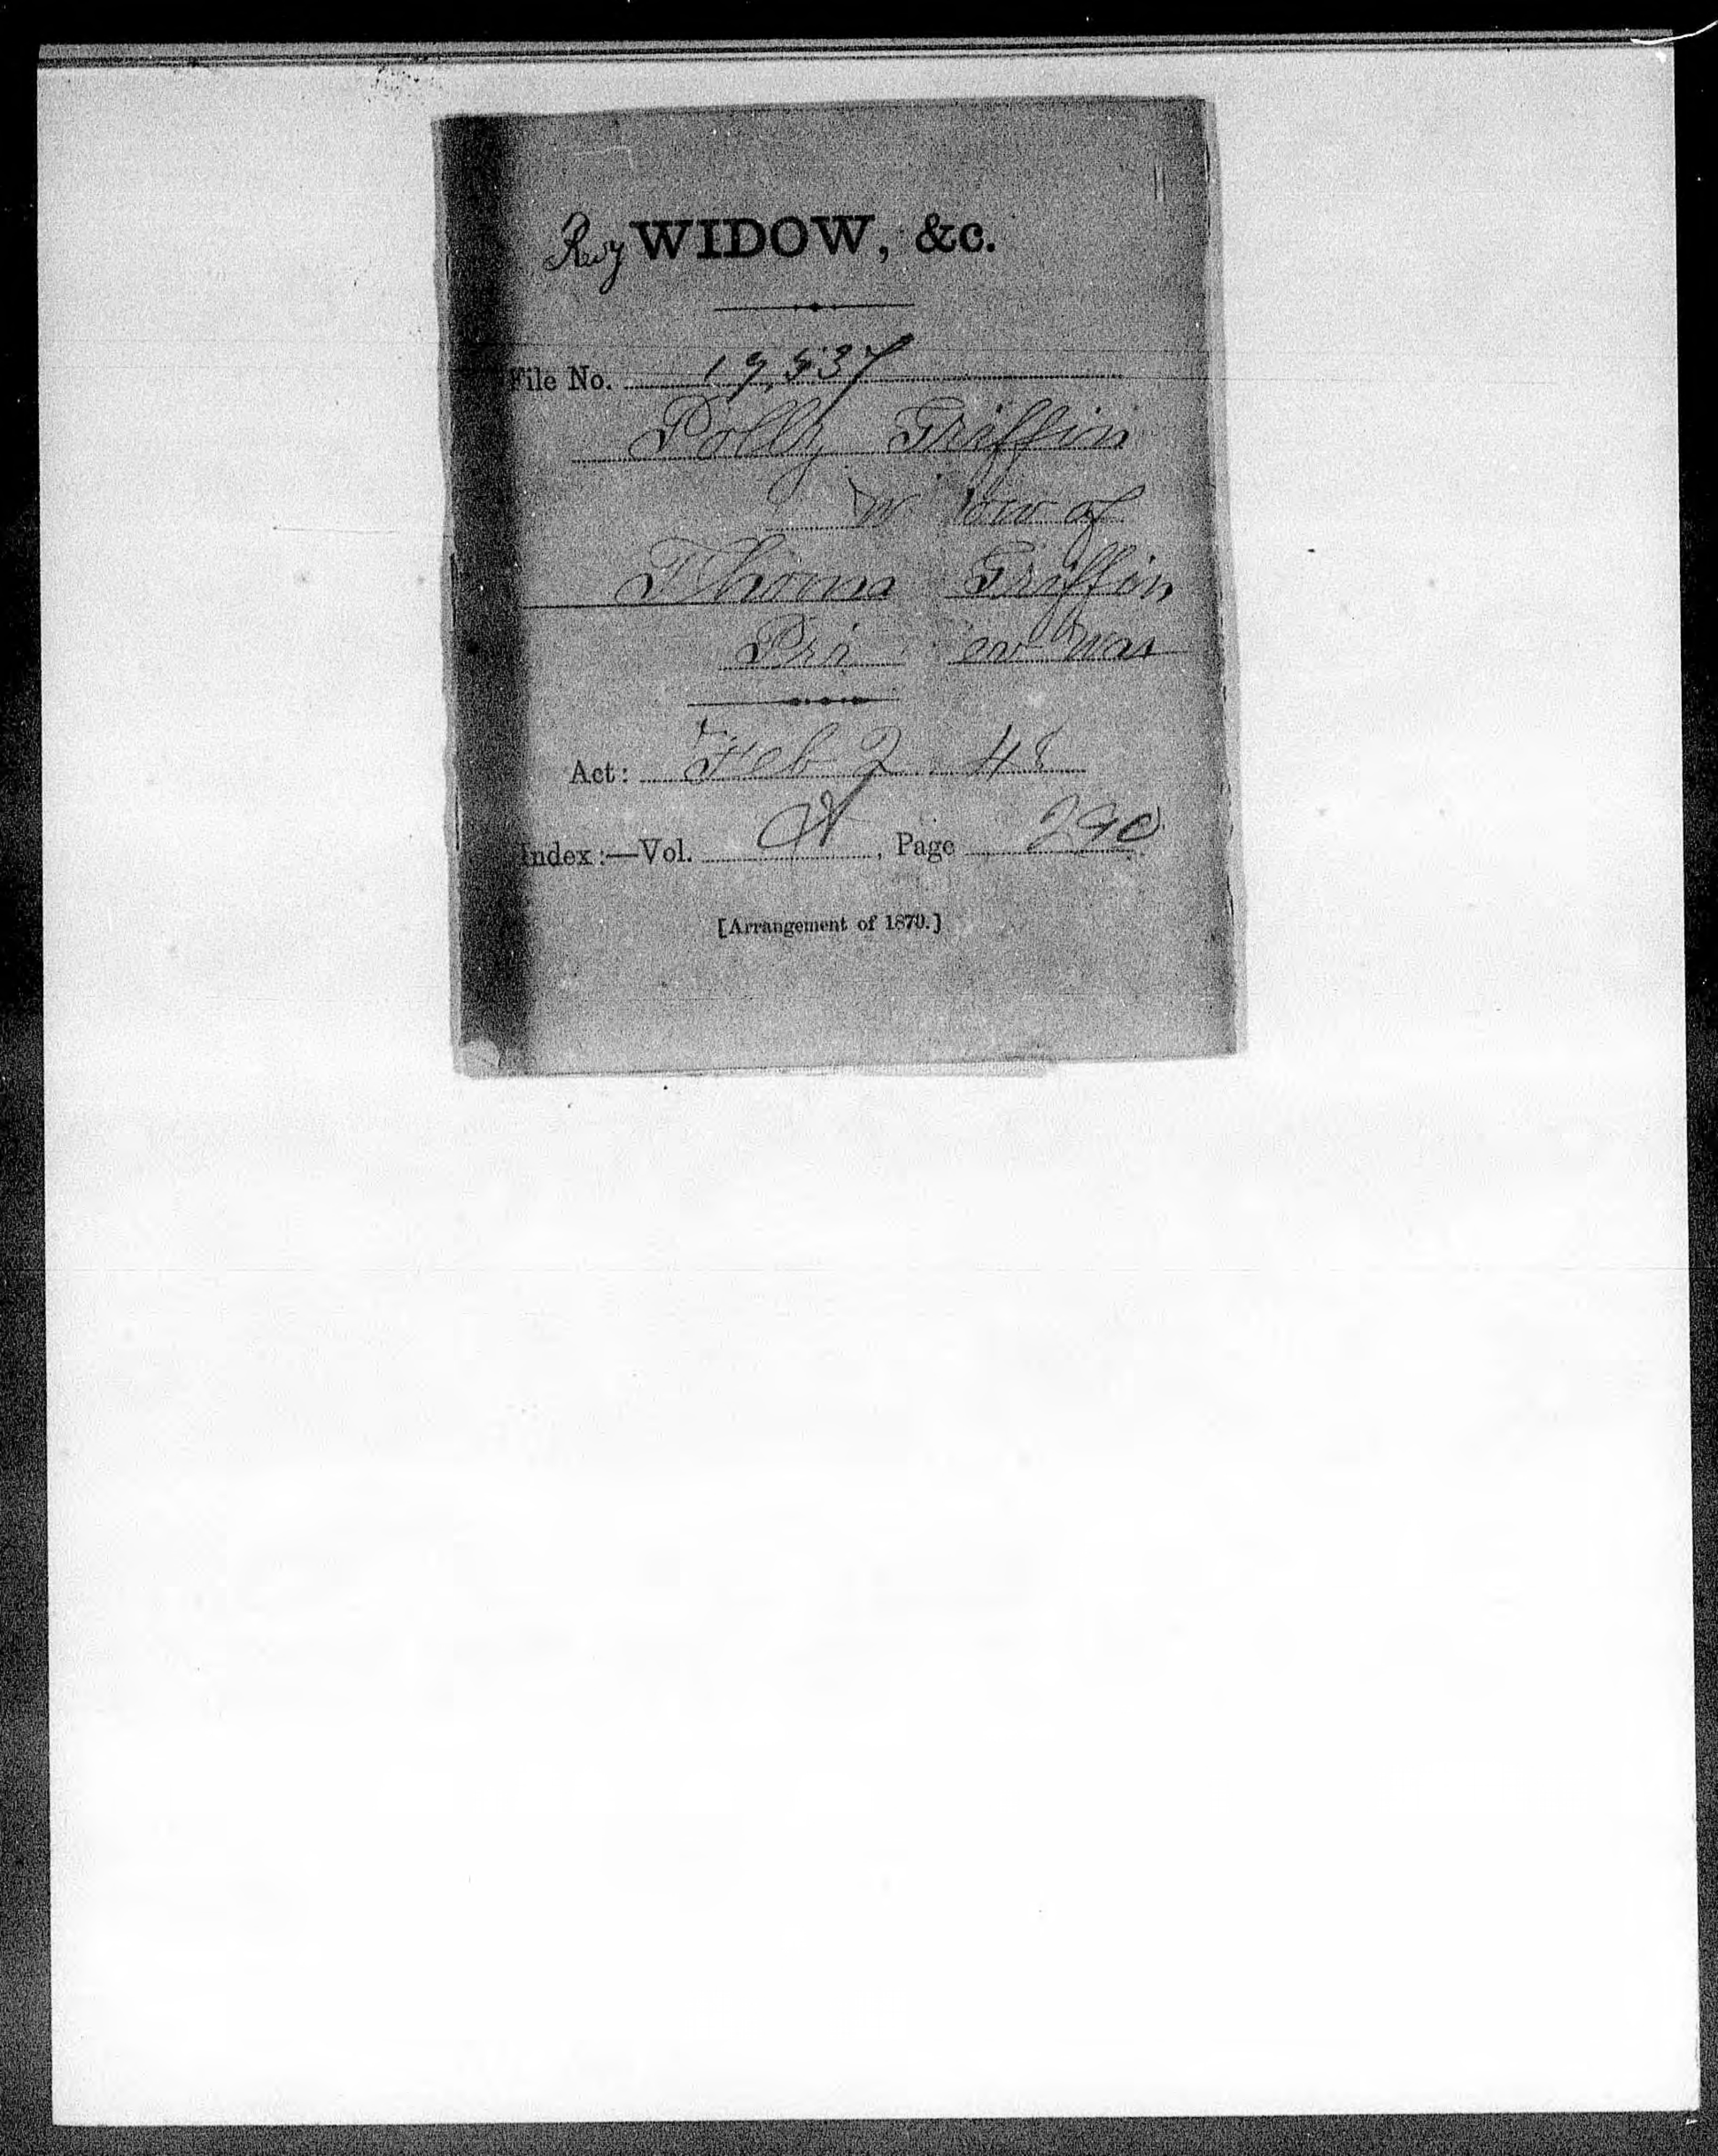Revy WIDOW, $c.
File No. 17337
Polly Griffin
widow of
Thomas Griffin
Pri. Rev War
Act: Feb 2. 48
Index:-Vol. A, Page 290
[Arrangement of 1870.}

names: Polly Griffin, Thomas Griffin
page: 58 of 60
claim: widow's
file: W. 19,537, Thomas Griffin, Conn.